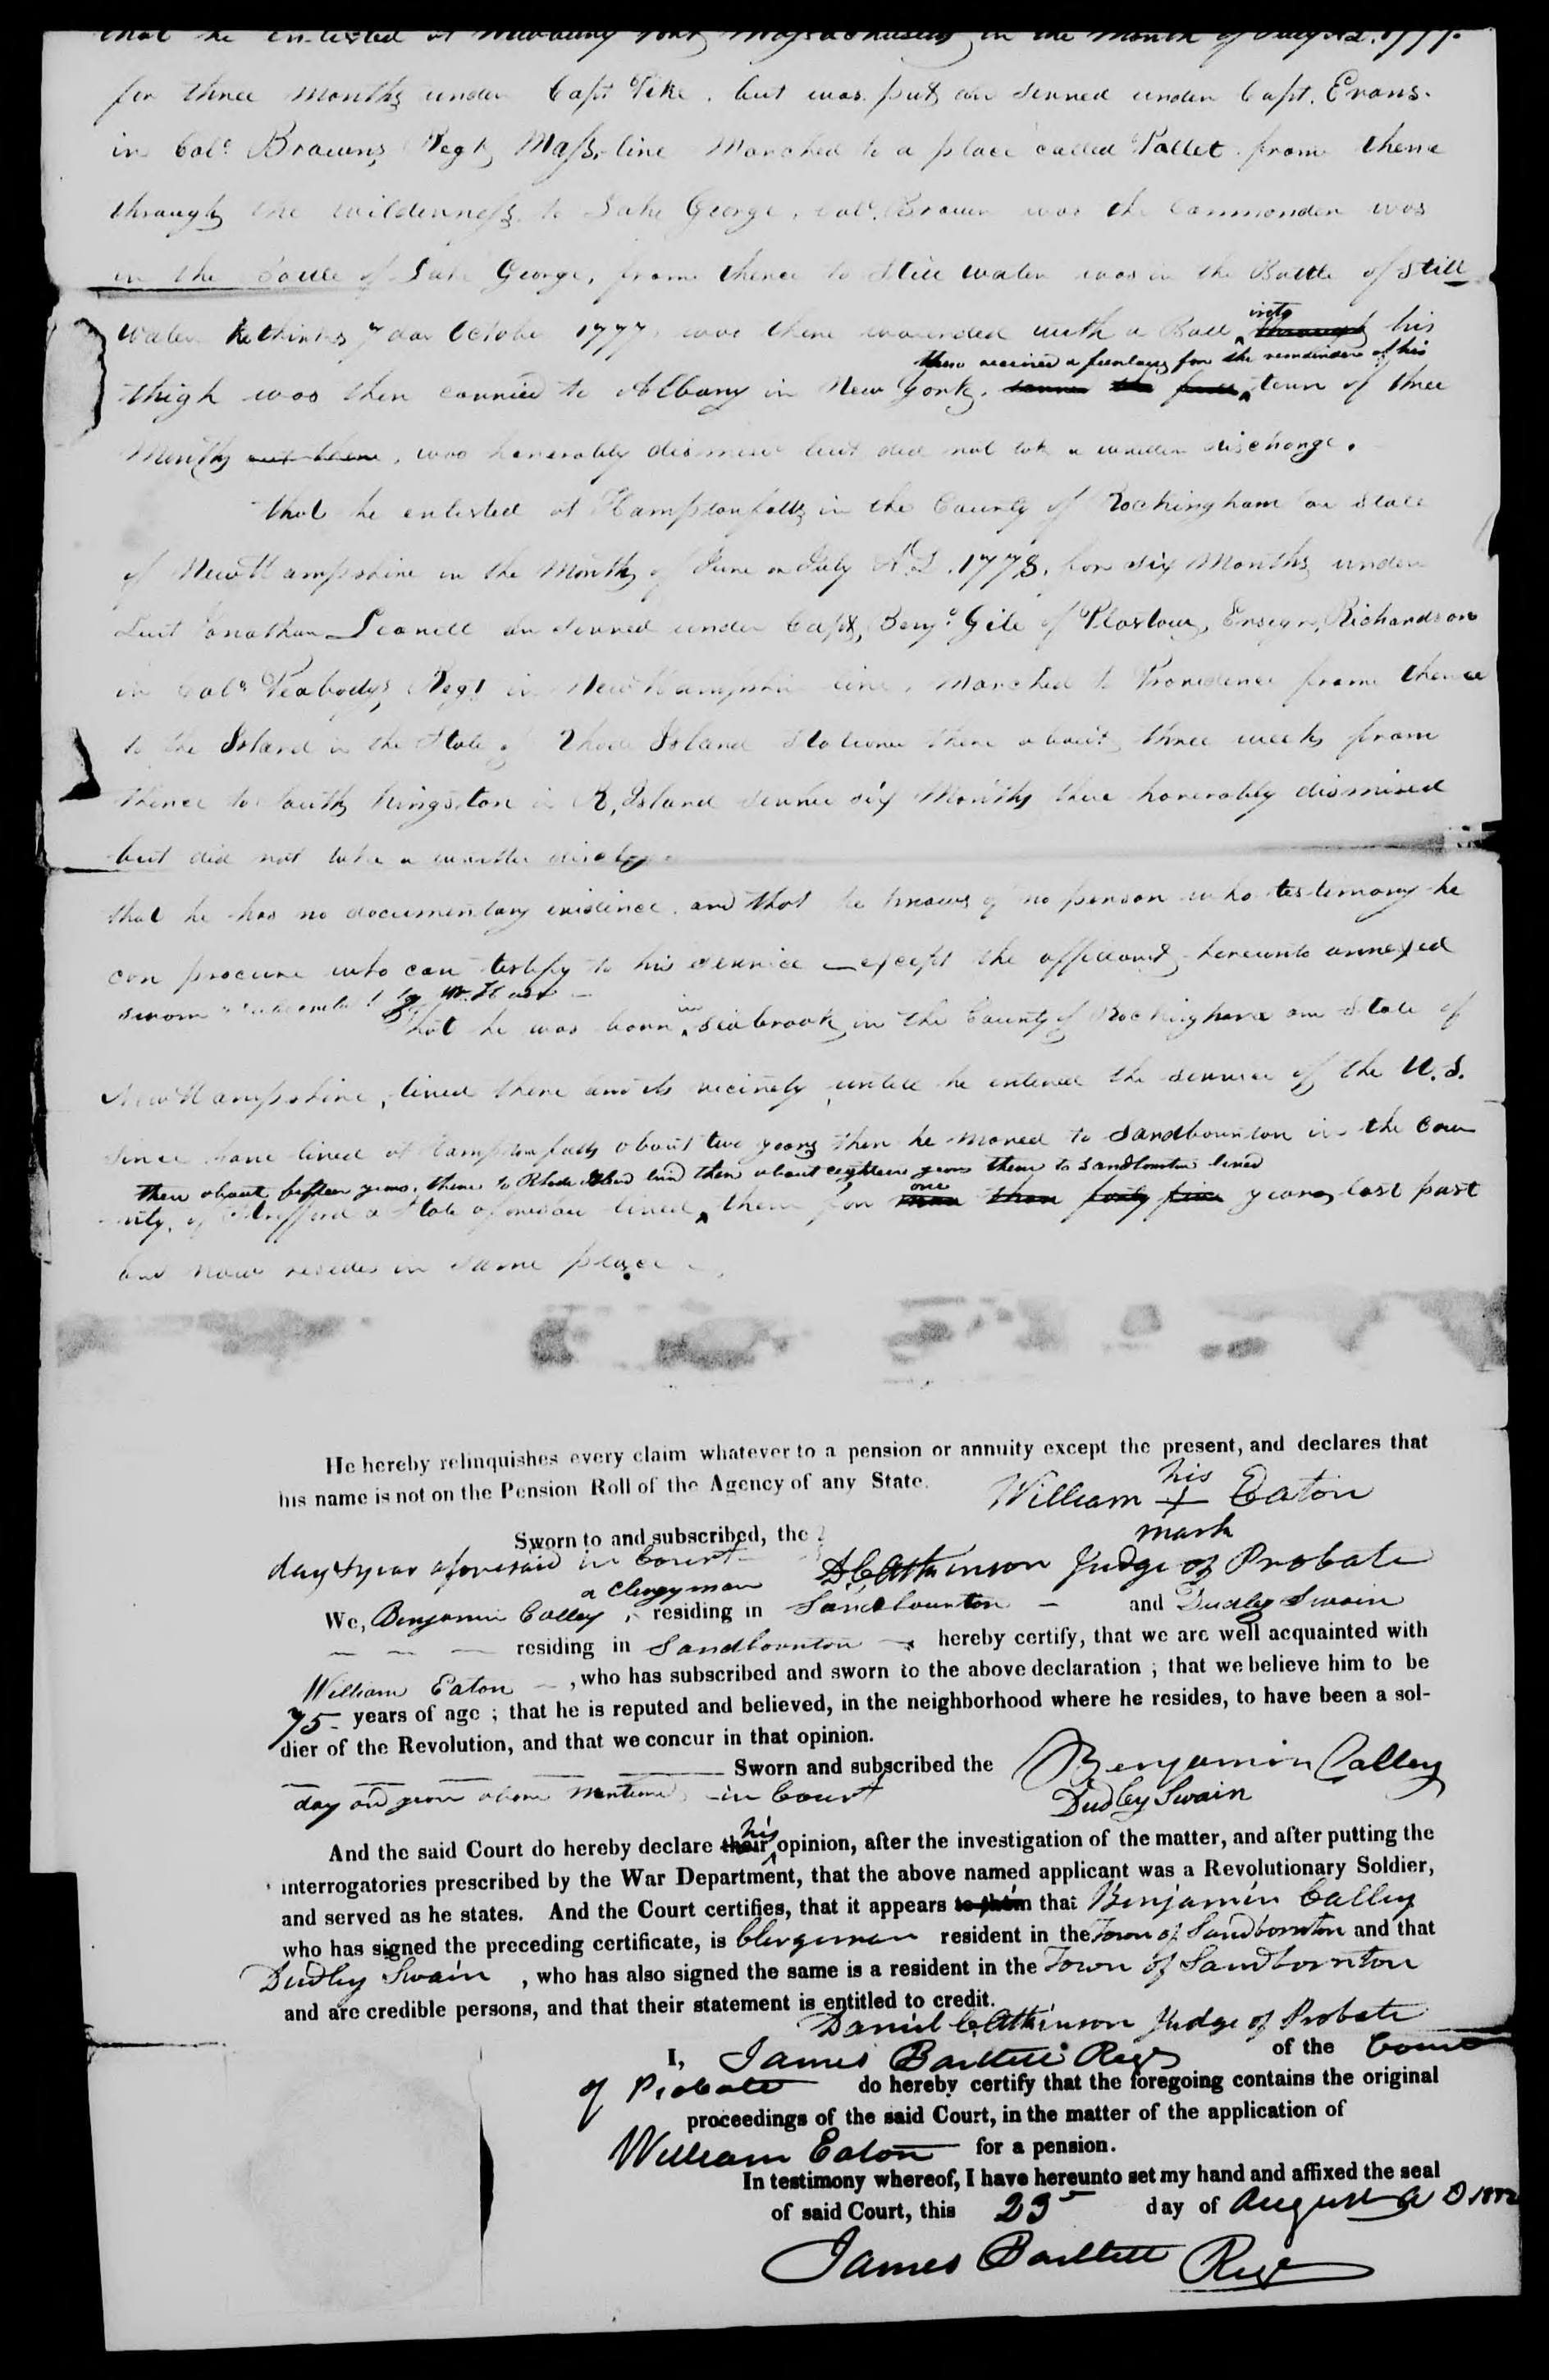that he enlisted at Newbury Port Massachusetts in the month of June AD 1777 for three months under Capt Pike, but was put and served under Capt. Evans in Col Browns Reg. Mass line Marched to a place called Pallet from the through the wilderness to Lake George, Colo Brown was the Commander was in the battle of Lake George, from thence to Still water was in the Battle of Still Walter He thinks in October 1777, was then wounded with a ball into his thigh was then carried to Albany in New York, [inserted: then received a fulness for the remainder of his] term of three thirty months, was honorably dismissed but did not received a written discharge 

that he enlisted at Hampton falls in the County of Rockingham and State of New Hampshire in the month of June or July A.D. 1778 for six months under Lieut Jonathan Scanell and served under Capt. Benj. Gile of Plastow, Ensign, Richardson in Col Peabody Regt in New Hampshire line, Marched to Providence from thence to the Island in the State. Rhode Island Stationed there about three weeks from thence to South Kingston in R. Island served six months there honorably dismised but did not take a written discharge.

that he has no documentary evidence, and that he knows of no person who testimony he can procure who can testify to his service - except the affiants, hereunto annexed 

Than he was born in Seabrook in the County of Rockingham and State of New Hampshire, lived there and its vicinity untill he entered the service of the U.S. since have lived at Hampton falls about two years then he moved to Sandbournton in the County of Strafford & State of [inserted: there about fifteen years, thence to Rhode Island lived there about eighteen years then to Sandbournton lived] there for one years last past and now resides in same place 

He hereby relinquishes every claim whatever to a pension or annuity except the present, and declares that his name is not on the Pension Roll of the Agency of any State. 
William his X mark Eaton 

Sworn to and subscribed the day & year aforesaid in Court. 
D.C. Atkinson Judge of Probate 

We, Benjamin Calley a clergyman residing in Sandbournton Dudley Swain residing in Sandbornton hereby certify, that we are well acquainted with William Eaton, who has subscribed and sworn to the above declaration; that we believe him to be 75 years of age; that he is reputed and believed, in the neighborhood where he resides, to have been a soldier of the Revolution, and that we concur in that opinion. --- 
Sworn and subscribed the day and year above mentioned in Court 
Benjamin Calley 
Dudley Swain 

And the said Court do hereby declare his opinion, after the investigation of the matter, and after putting the interrogatories prescribed by the War Department, that the above named applicant was a Revolutionary Soldier, and served as he states. And the Court certifies, that it appears that Benjamin Calley who has signed the preceding certificate, is Clergyman resident in the Town of Sandbornton and that Dudly Swain, who has also signed the same is a resident in the Town of Sandbornton and are credible persons, and that their statement is entitled to credit. J
Daniel C. Atkinson Judge of Probate. 

I James Bartlett Regr of of the Court Probate do hereby certify that the foregoing contains the original proceedings of the said Court, in the matter of the application of William Eaton for a pension 

In testimony whereof, I have hereunto set my hand and affixed the seal of said Court, this 23 day of August AD 
James Bartlett Regt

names: James Bartlett, William Eaton, Jonathan Scanell, Daniel C Atkinson, Pike, Brown, D C Atkinson, Evans, Benjamin Calley, Richardson, Benjamin Calley, Benje Gile, Dudley Swain, Benjamin Calley, William Eaton, James Bartlett, William Eaton, Dudley Swain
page: 5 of 21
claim: survivor's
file: S. 16374, William Eaton, Continental Mass. N.H.